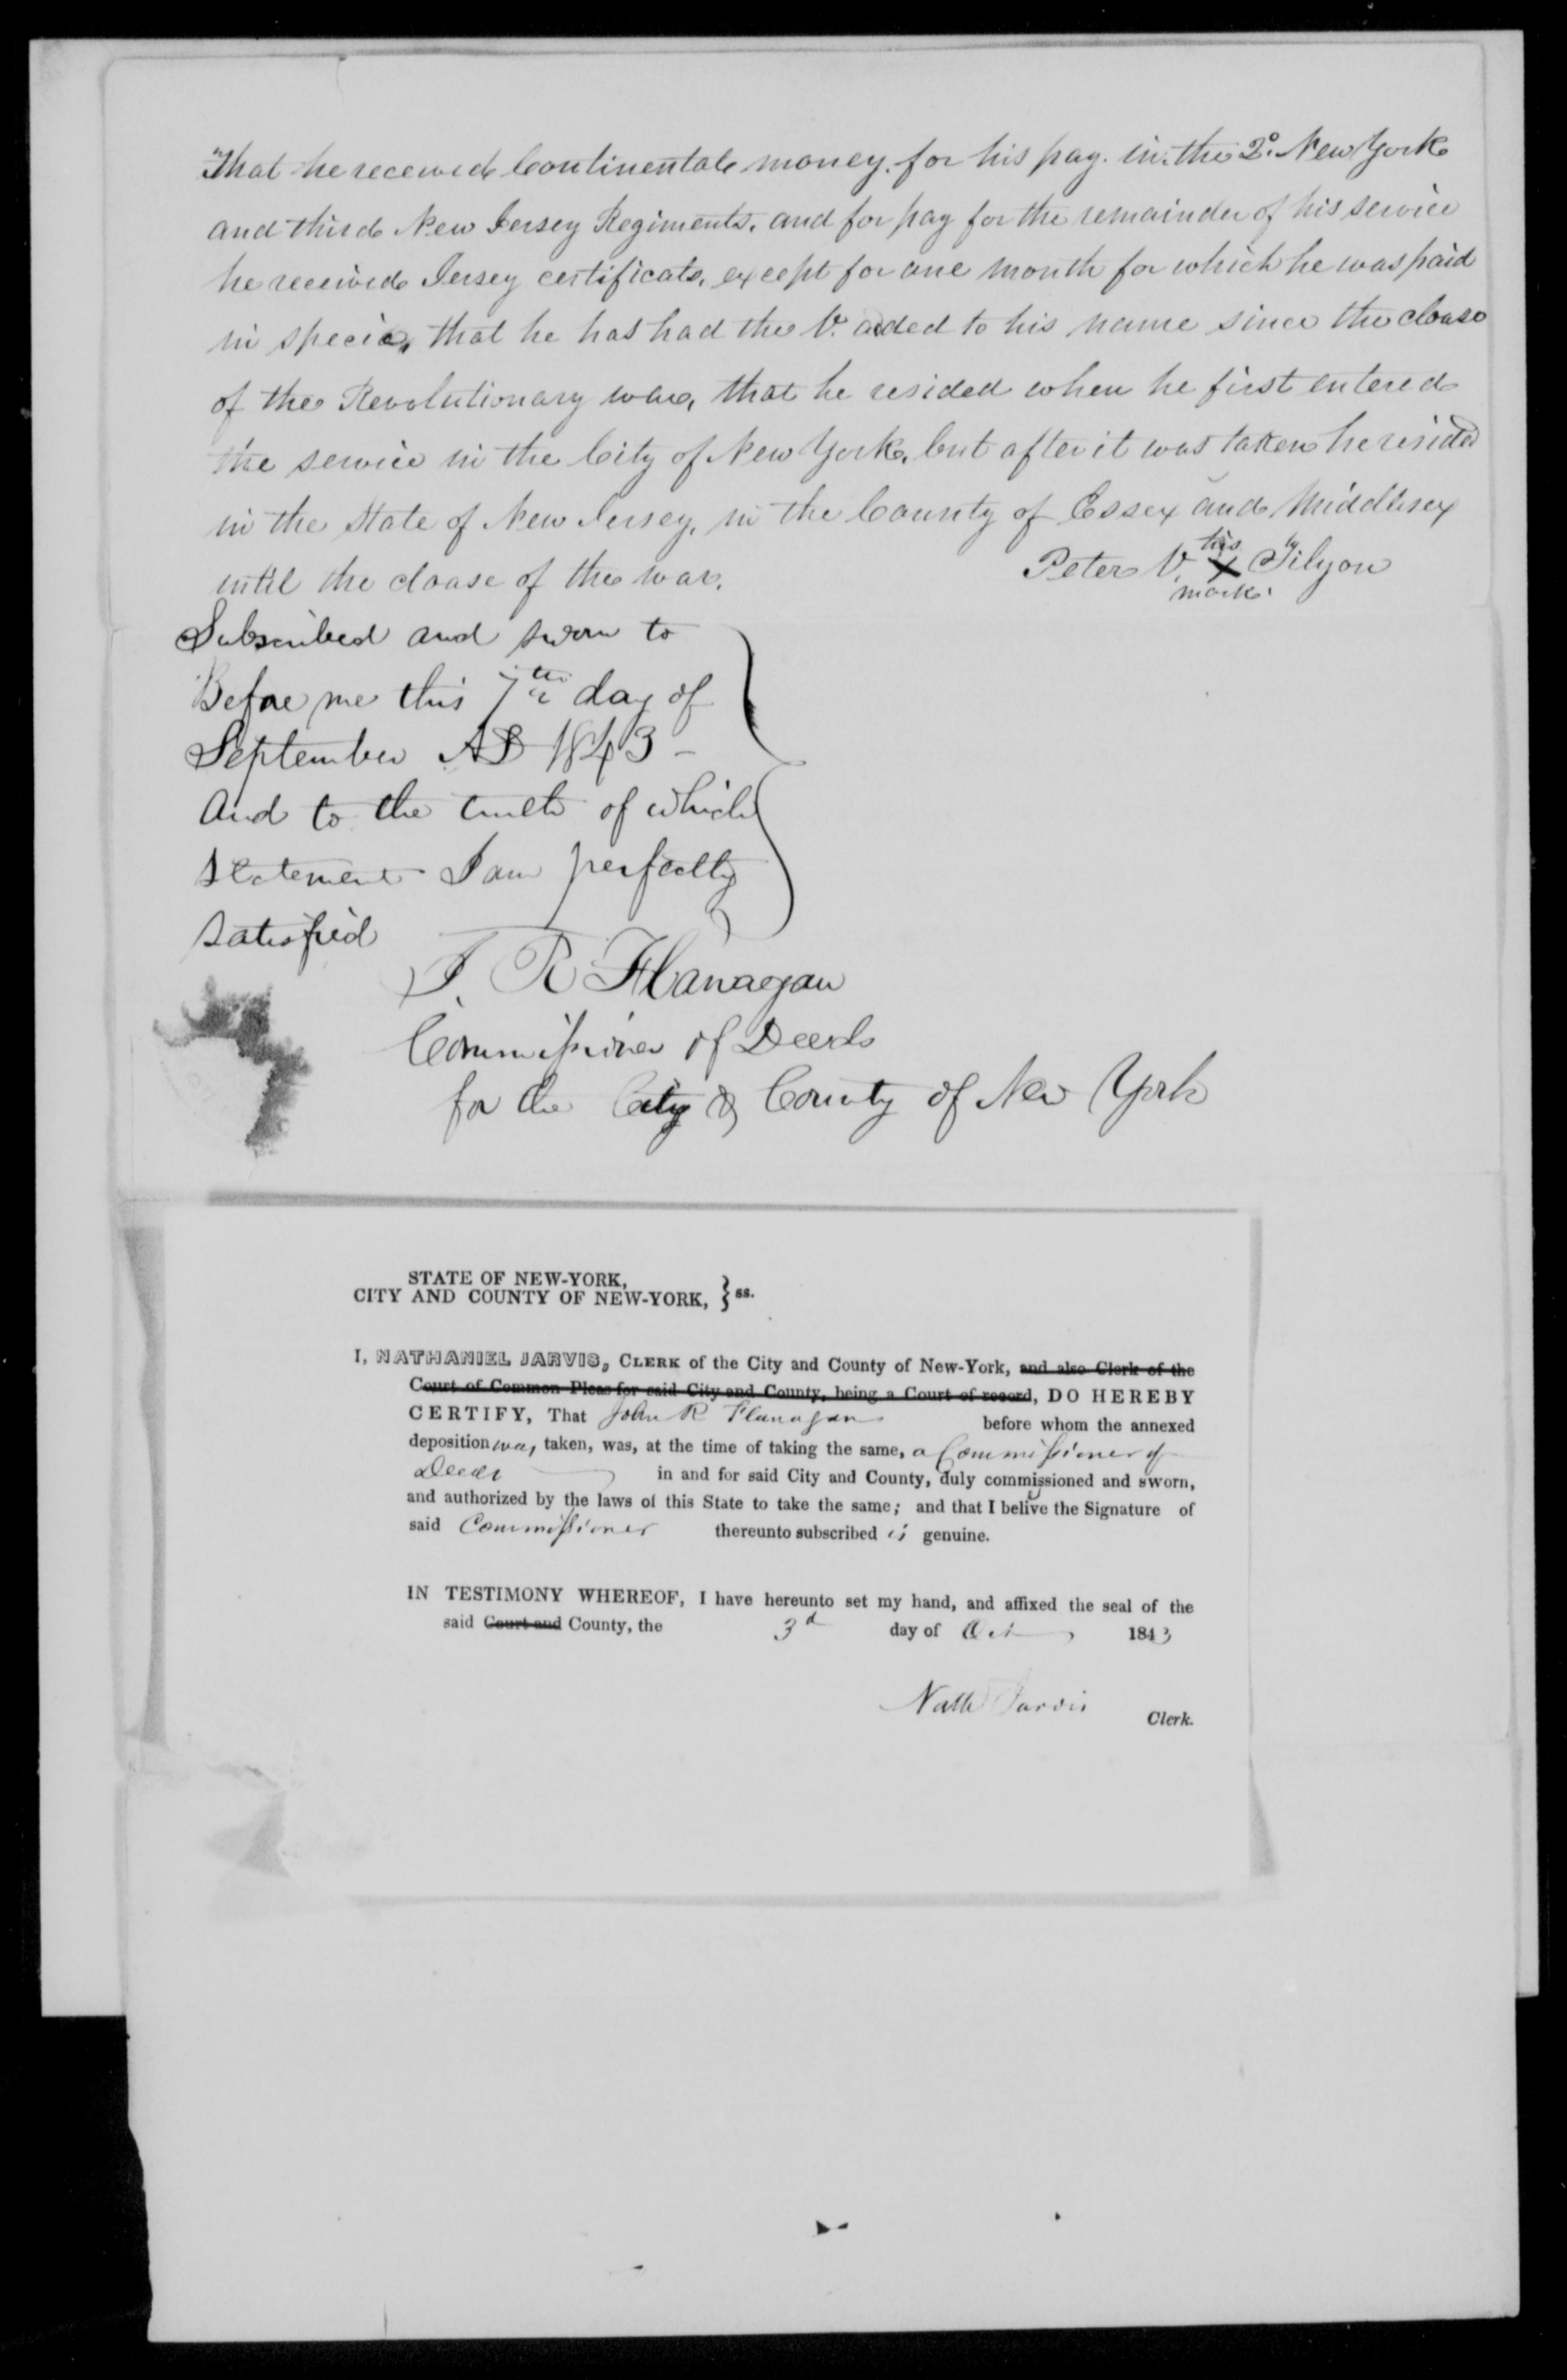That he received Continental money for his pay in the 2nd New York and third New Jersey Regiments, and for pay for the remainder of his service he received Jersey certificates, except for one month for which he was paid in specia [specie], that he has had the V. added to his name since the close of the Revolutionary war, that he resided when he first entered the service in the City of New York, but after it was taken he resided in the State of New Jersey, in the County of Essex and Middlesex until the close of the war.                      his
                                  Peter V. Tilyou
                                             his X mark

Subscribed and sworn to
Before me this 7th day of
September A.D. 1843-
And to the truth of which
statement I am perfectly
satisfied
J.R. Flanagan
Commissioner of Deeds
for the City & County of New York 

STATE OF NEW YORK
CITY AND COUNTY OF NEW YORK

I, NATHANIEL JARVIS, Clerk of the City and County of New York [words crossed out] DO HEREBY CERTIFY, that John R. Flanagan before whom the annexed deposition was taken, was, at the time of taking the same, a Commissioner of Deeds in and for the City and County, duly commissioned and sworn, and authorized by the laws of this State to take the same; and I believe the Signature of said Commissioner thereunto subscribed is genuine.

IN TESTIMONY WHEREOF, I have hereunto set my hand, and affixed the seal of the said County, the 3rd day of Oct 1843

             Nath Jarvis      Clerk.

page: 40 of 101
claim: widow's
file: W. 25481, for Peter V Tilyou, New Jersey